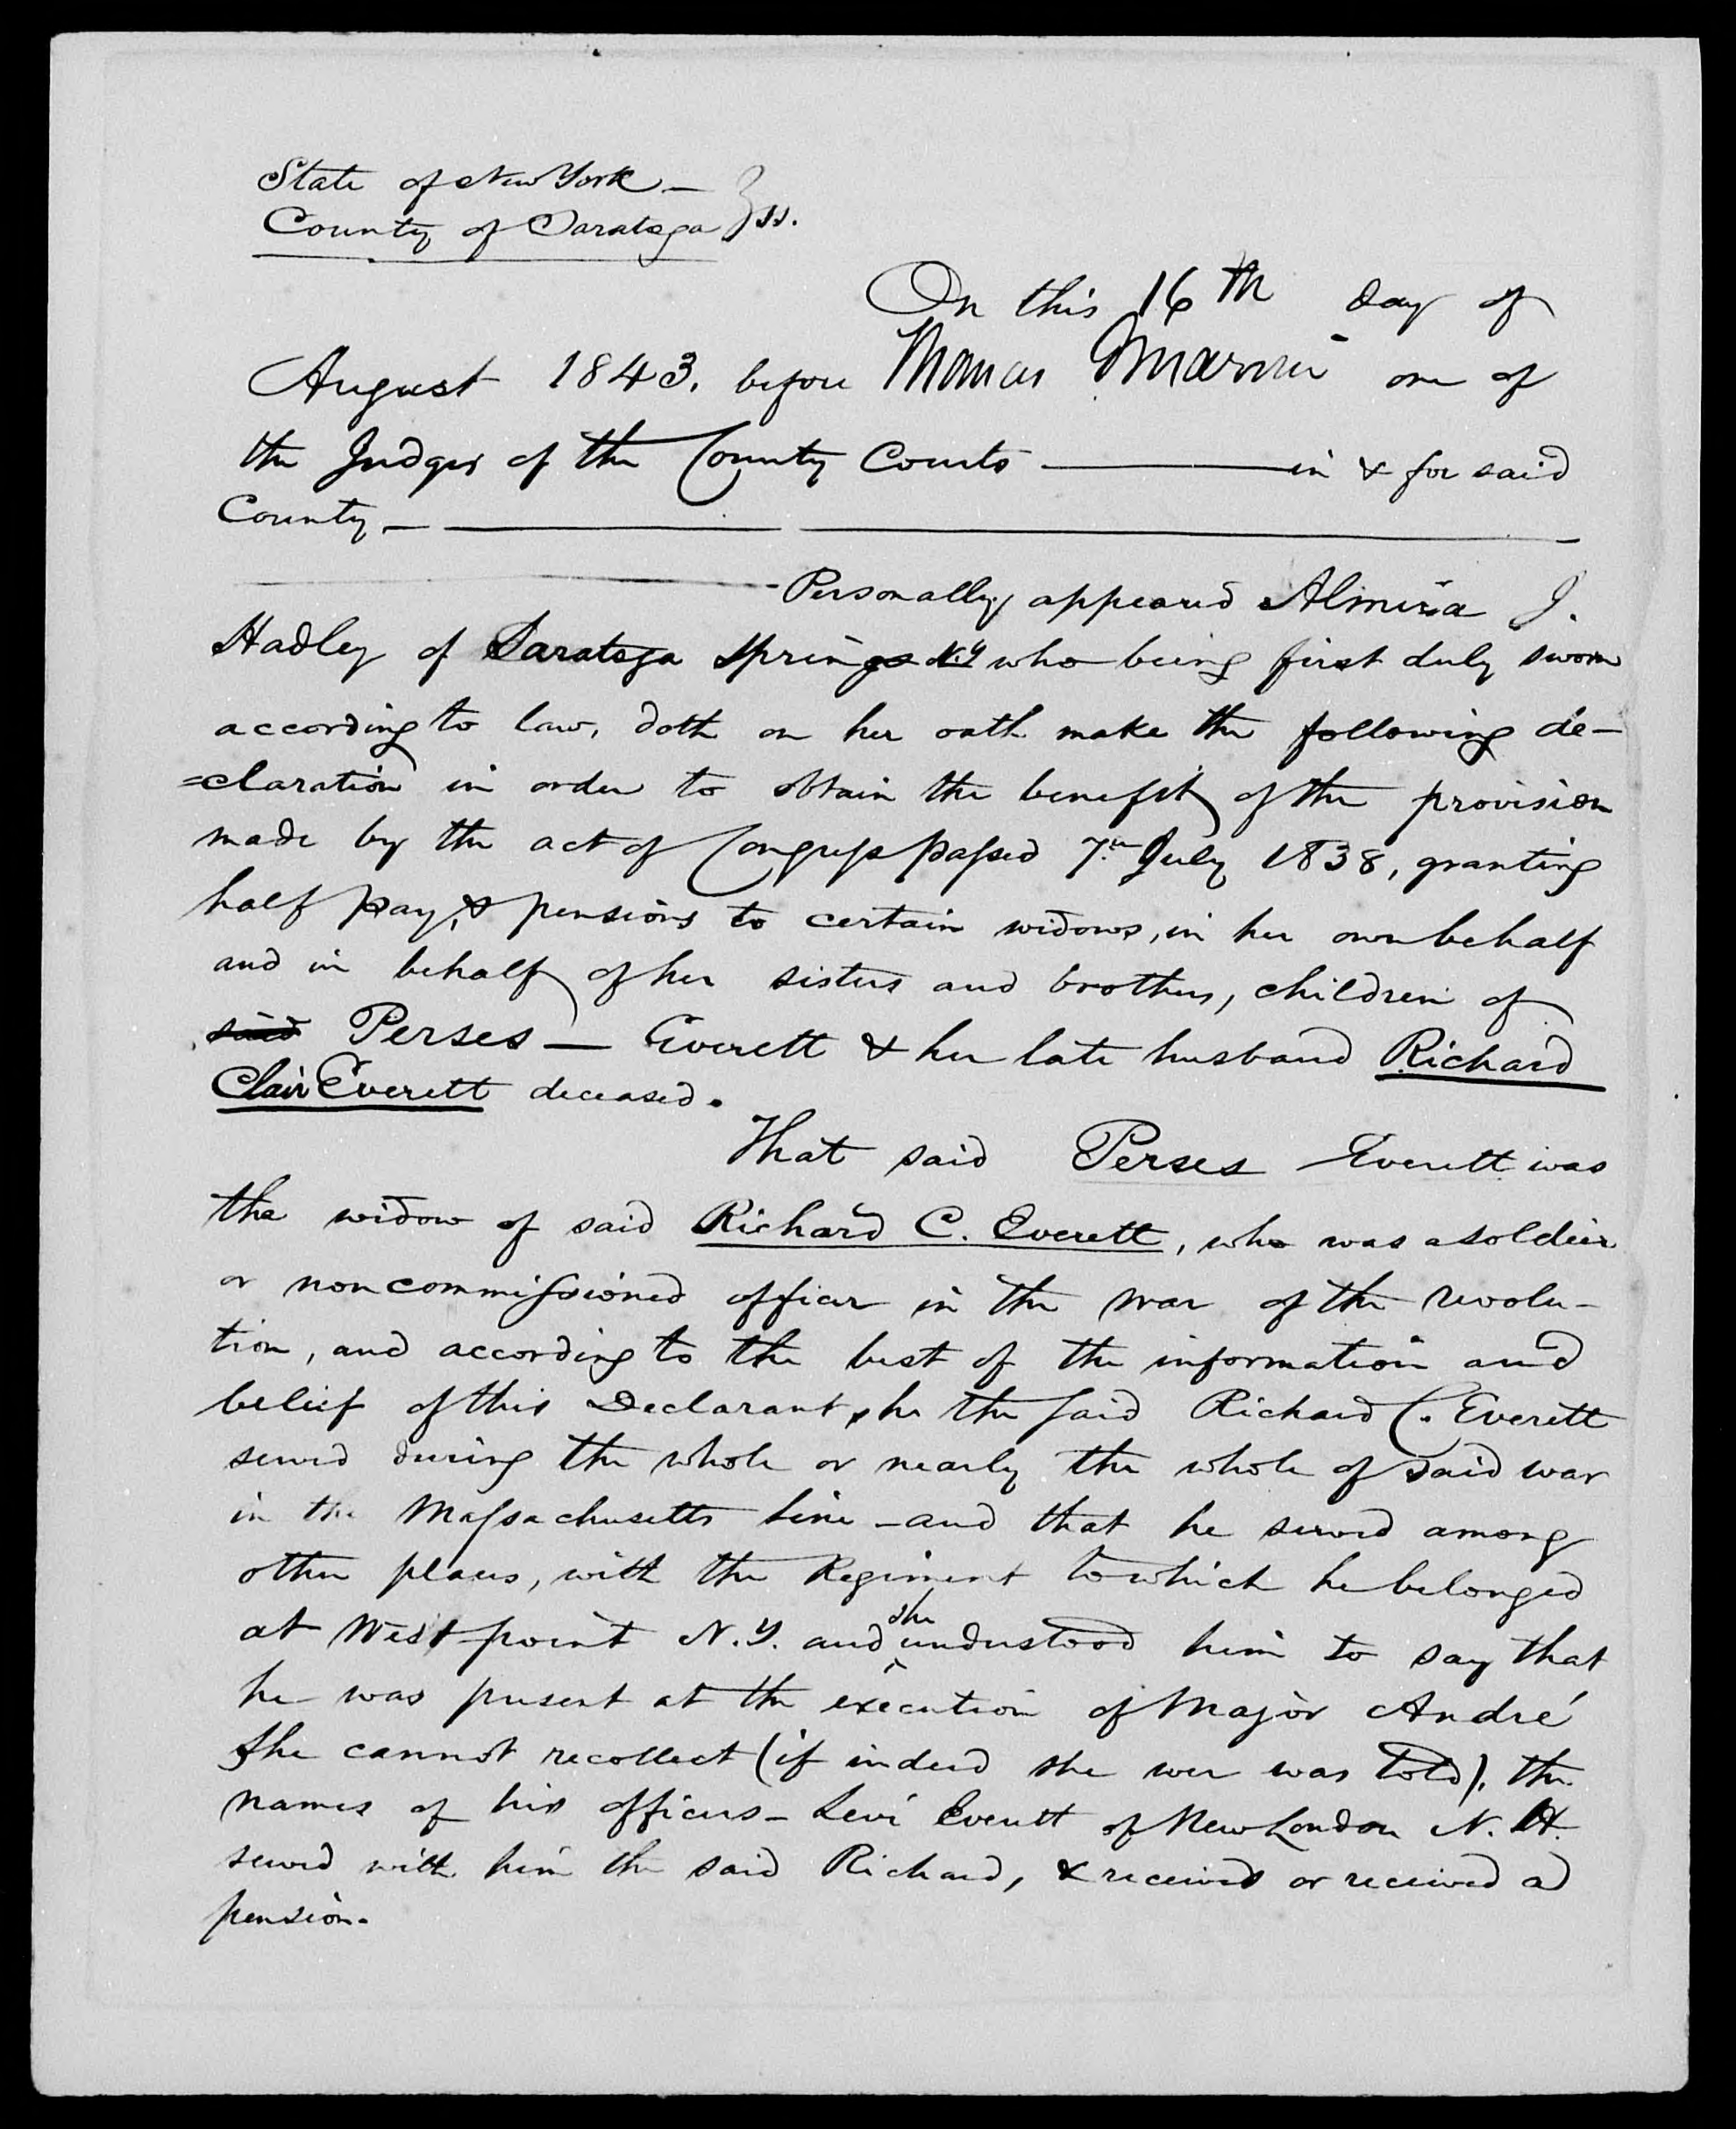State of New York
County of Saratoga ss. }

On this 16th day of August 1843, before Thomas Marvin one of the Judges of the County Courts in + for said County.
        
Personally appeared Almira J. Hadley of Saratoga Springs who being first duly sworn according to law, doth on her oath make the following declaration in order to obtain the benefit of the provision made by the act of Congress passed 7th July 1838, granting half pay & pensions to certain widows, in her own behalf and in behalf of her sisters and brothers, children of
Perses-- Everett & her late husband Richard
Clair Everett deceased.

That said Perses Everett was the widow of said Richard C. Everett, who was a soldier or non commissioned officer in the war of the Revolution, and according to the best of the information and belief of this Declarant, he the said Richard C. Everett served during the whole or nearly the whole of said war in the Massachusetts line and that he served among other places, with the Regiment to which he belonged at West Point N. Y. and she understood him to say that he was present at the execution of Major Andre'
She cannot recollect (if indeed she ever was told), the names of his officers. Levi Everett of New London N.H. served with him the said Richard & receives or received a
pension.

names: Perses Everett, Richard Clair Everett, Andre, Thomas Marvin, Richard C Everett, Perses Everett, Almira J Hadley, Levi Everett, Richard, Richard C Everett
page: 5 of 59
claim: widow's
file: W. 23017, Richard Clair Everett, Mass.